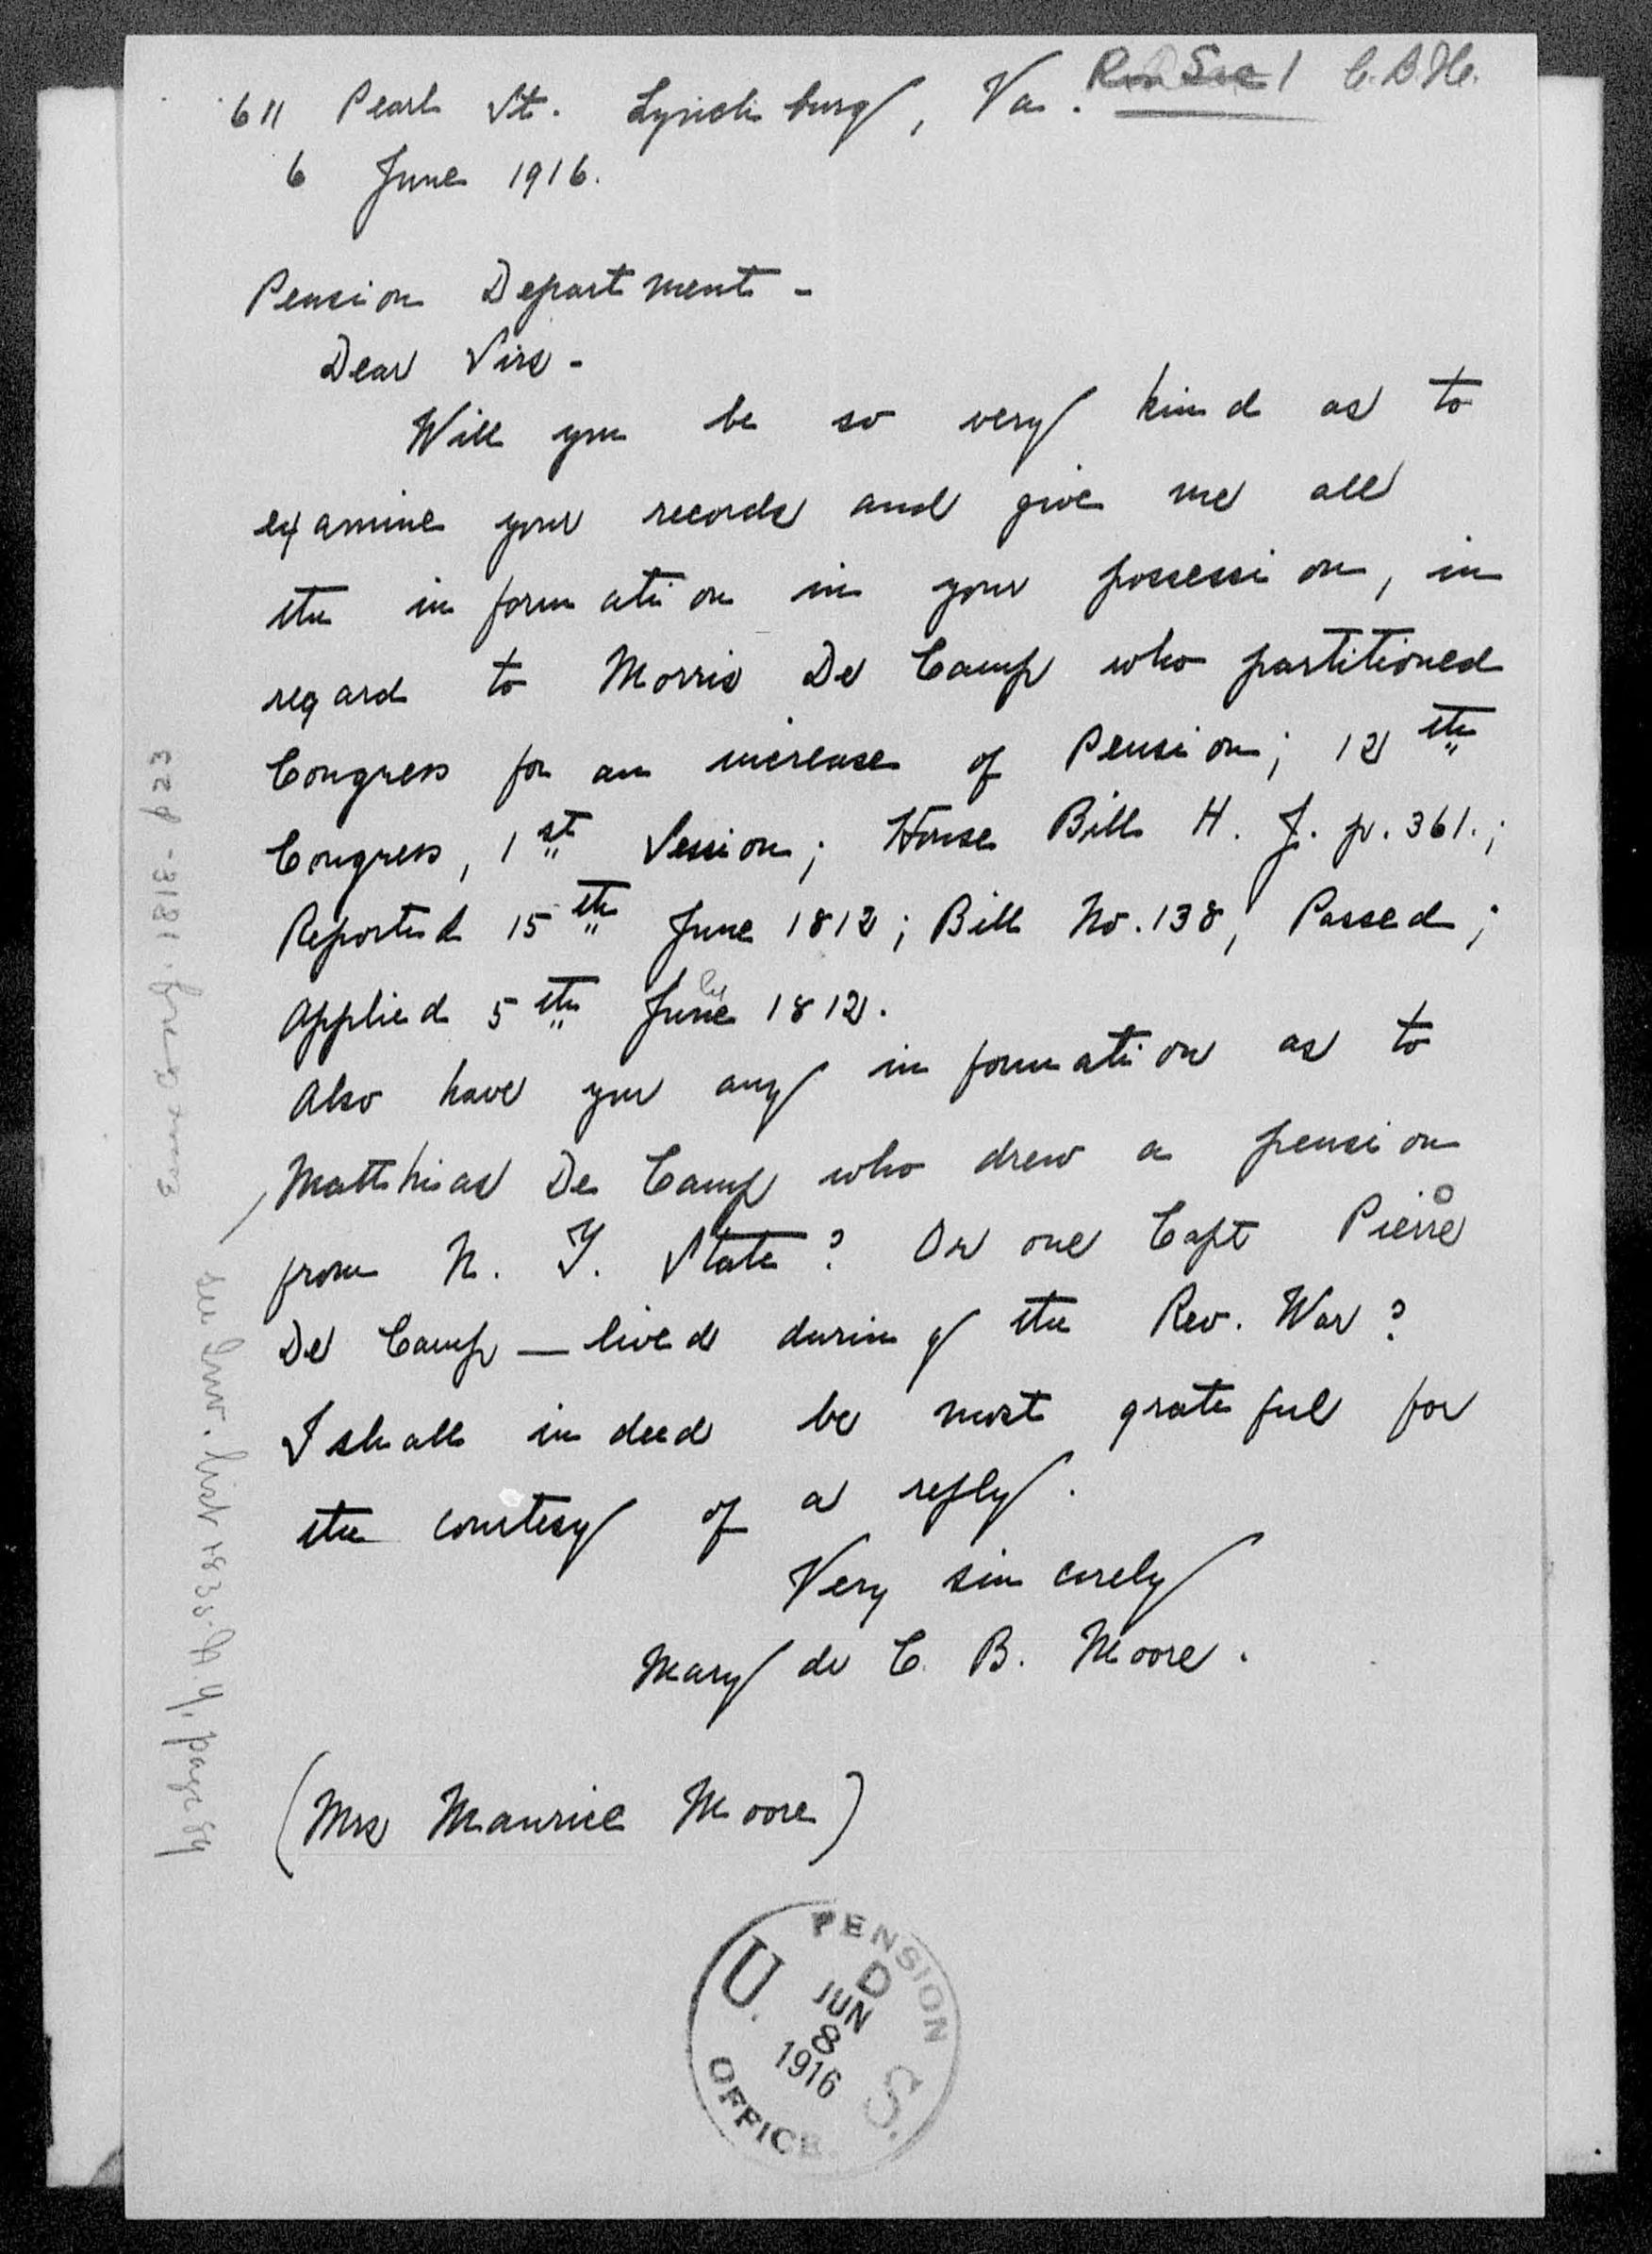611 Pearl St. Lynchburg, Va    Rev Sec 1 C.B. H.  
6 June 1916
Pension Department - 
Dear Sirs -
Will you be so very kind as to examine your records and give me all the information in your possession, in regard to Morris De Camp who partitioned Congress for an increase of Pension [illeg]th Congress, 1st Session; House Bill H. J. p. 361.; Reported 15th June 1812; Bill No. 138, Passed; Applied 5th June 1812.
Also have you any information as to Matthias De Camp who drew a pension from N. Y. State? Or one Capt Pierre De Camp - lived during the Rev. War?
I shall indeed be most grateful for the courtesy of a reply. Very Sincerely Mary De C. B. Moore.  (Mrs Maurice Moore)

[on side]
Essex Co NJ. 1818 - p 23
See Inv. list 1835 N. [Y?] page 89

[stamp]
U.S. PENSION OFFICE D JUN 8 1916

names: Matthias De Camp, Mary De C B Moore, Maurice Moore, Pierre De Camp, Morris De Camp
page: 39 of 52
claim: survivor's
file: S. 34172, Morris D Camp, Continental (New Jersey)